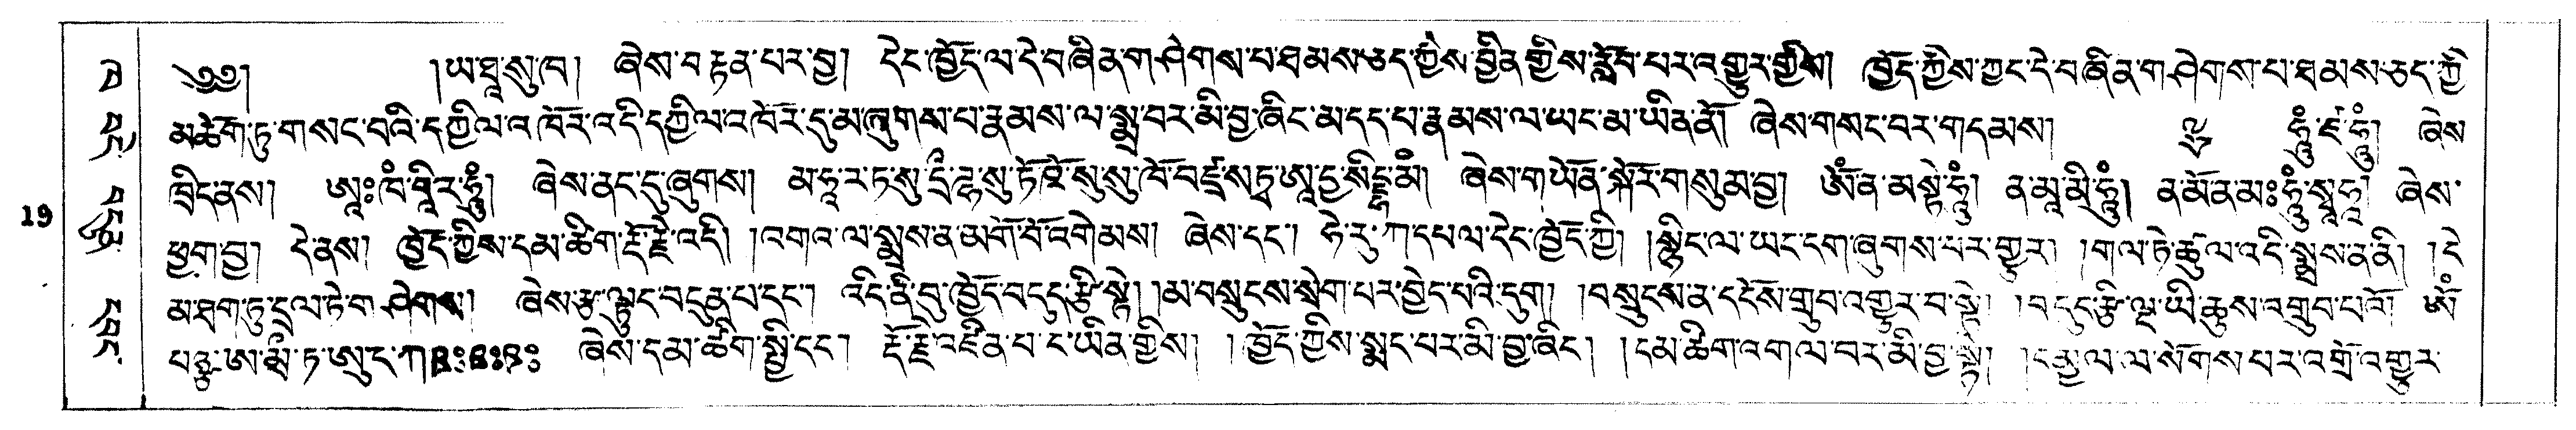༄༅། །ཡ་ཐཱ་སུ་ཁ། ཞེས་བརྟན་པར་བྱ། དེང་ཁྱོད་ལ་དེ་བཞིན་གཤེགས་པ་ཐམས་ཅད་ཀྱིས་བྱིན་གྱིས་རློབ་པར་འགྱུར་གྱིས། ཁྱོད་ཀྱིས་ཀྱང་དེ་བཞིན་གཤེགས་པ་ཐམས་ཅད་ཀྱི་
མཆོག་ཏུ་གསང་བའི་དཀྱིལ་འཁོར་འདི་དཀྱིལ་འཁོར་དུ་མ་ཞུགས་པ་རྣམས་ལ་སྨྲ་བར་མི་བྱ་ཞིང་མ་དད་པ་རྣམས་ལ་ཡང་མ་ཡིན་ནོ། ཞེས་གསང་བར་གདམས། ༈ ཧཱུཾ་ཛ་ཧཱུཾ། ཞེས་
ཁྲིད་ནས། ཨཱཿ ཁཾ་བཱི་ར་ཧཱུཾ། ཞེས་ནང་དུ་ཞུགས། མ་ཧཱ་ར་ཏ་སུ་དྲྀ་ཌྷ་སུ་ཏོ་ཤོ་སུ་སུ་ཁོ་བཛྲ་སཏྭ་ཨཱ་དྱ་སིདྡྷ་མཾ། ཞེས་གཡོན་སྐོར་གསུམ་བྱ། ཨོཾ་ན་མསྟེ་ཧཱུཾ། ན་མཱ་མི་ཧཱུཾ། ན་མོ་ན་མཿ ཧཱུཾ་སྭཱ་ཧཱ། ཞེས་
ཕྱག་བྱ། དེ་ནས། ཁྱོད་ཀྱིས་དམ་ཚིག་རྡོ་རྗེ་འདི། །འགའ་ལ་སྨྲས་ན་མགོ་བོ་འགེམས། ཞེས་དང་། ཧེ་རུ་ཀ་དཔལ་དེང་ཁྱོད་ཀྱི། །སྙིང་ལ་ཡང་དག་ཞུགས་པར་གྱུར། །གལ་ཏེ་ཚུལ་འདི་སྨྲས་ན་ནི། །དེ་
མ་ཐག་ཏུ་དྲལ་ཏེ་གཤེགས། ཞེས་རྩ་ལྟུང་བདུན་པ་དང་། འདི་ནི་བུ་ཁྱོད་བདུད་རྩི་སྟེ། །མ་བསྲུངས་སྲེག་པར་བྱེད་པའི་དུག། །བསྲུངས་ན་དངོས་གྲུབ་འགྱུར་བ་སྟེ། །བདུང་རྩི་ལྔ་ཡི་ཆུས་འགྲུབ་པའོ། ཨོཾ་
པཉྩ་ཨ་མྲྀ་ཏ་ཨུ་ད་ཀ་ཐཿ ཐཿ ཐཿ ཞེས་དམ་ཚིག་སྤྱི་དང་། རྡོ་རྗེ་འཛིན་པ་ང་ཡིན་གྱིས། །ཁྱོད་ཀྱིས་སྨད་པར་མི་བྱ་ཞིང་། །དམ་ཚིག་འགལ་བར་མི་བྱ་སྟེ། །དམྱལ་ལ་སོགས་པར་འགྲོ་འགྱུར་